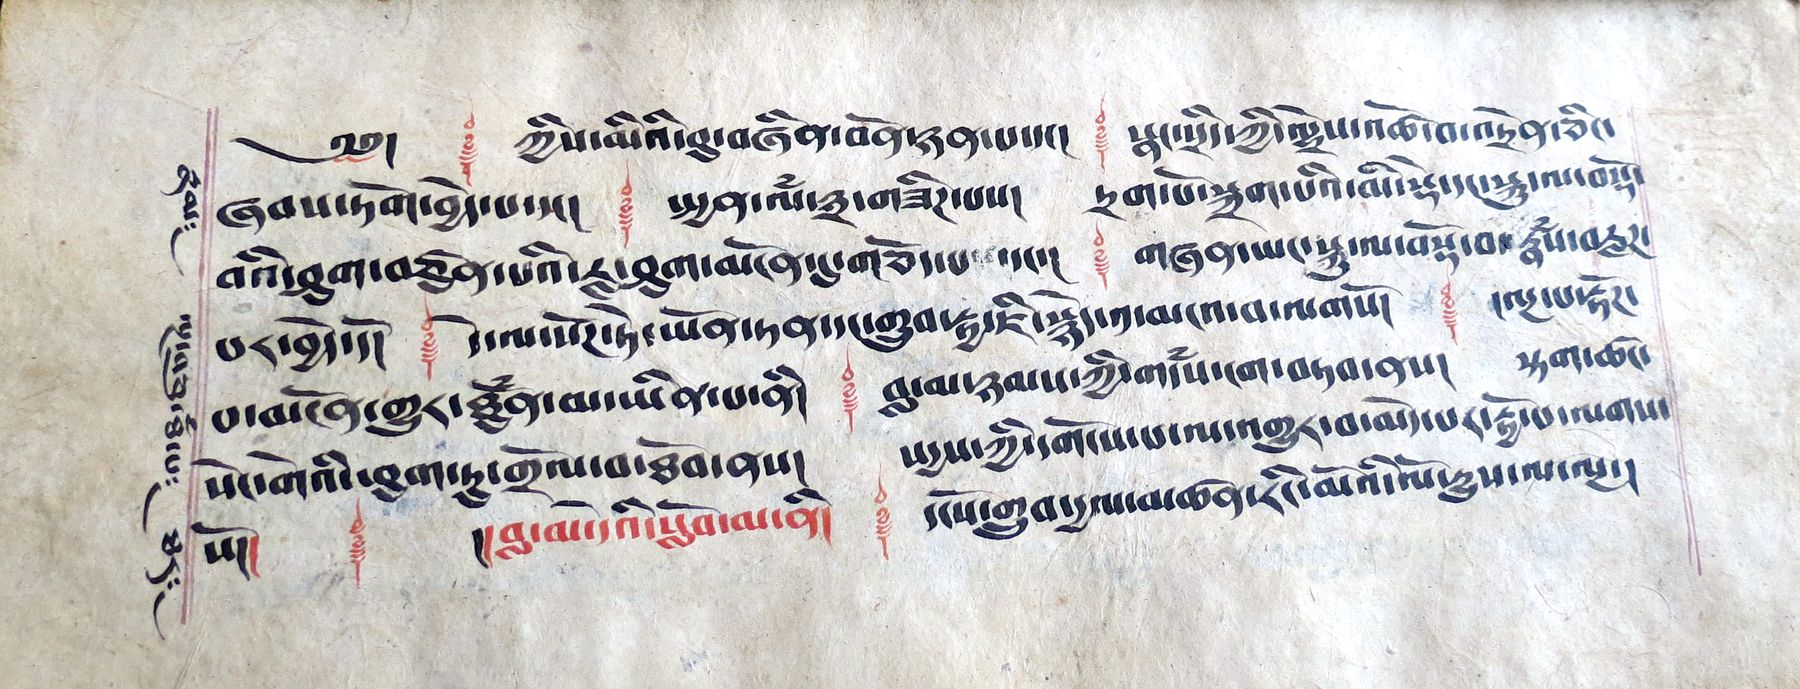ཀྱིས། མིའི་བུ་བཞིན་བོན་ཉན་པ་དང་། སྣང་སྲིད་ཀྱི་ལྷ་འདྲེས་འཚོ་བ་འདྲེན་ཞིང་
ཞབས་ཏོག་བྱེད་པ་དང་། སྤྱན་ལམ་དུ་གཟིགས་པས། དྲག་པོ་སྐྲག་པའི་མི་སྡེ་
 བའི་ཤུགས་བཙུན་པའི་བླ་ཤུག་མངོན་དུ་གཅོད་པ་དང་། གཞན་ཡང་སྐུ་ལ་བསྡོ་བ་རྣམས་བརླག་
པར་བྱེད་དོ། ། དེ་ལས་སོགས་ཏེ་ཡོན་ཏན་དང་གྲུབ་རྟགས་ཅི་སྙེད་ཅིག་མངའ་བ་ལགས་སོ། ། ལྔ་པ་རྟོགས་
པ་མངོན་གྱུར་ཐུན་མོང་མ་ཡིན་པ་ནི། བླ་མས་ཉམས་ཀྱི་གདམས་ངག་བཏབ་ནས། སྟག་ཚང་
སེང་གེའི་ཕུག་ཏུ་གྲོལ་བ་ཐོབ་ནས། སངས་རྒྱས་ཀྱི་དགོངས་པ་ལ་འགྱུར་བ་མེད་པར་རྟོགས་པ་ལགས་
སོ། ། བླ་མ་དེའི་སློབ་མ་ནི། དངོས་གྲུབ་རྒྱལ་མཚན་རིང་མོའི་ལོ་རྒྱུས་ལ་ལྔ།